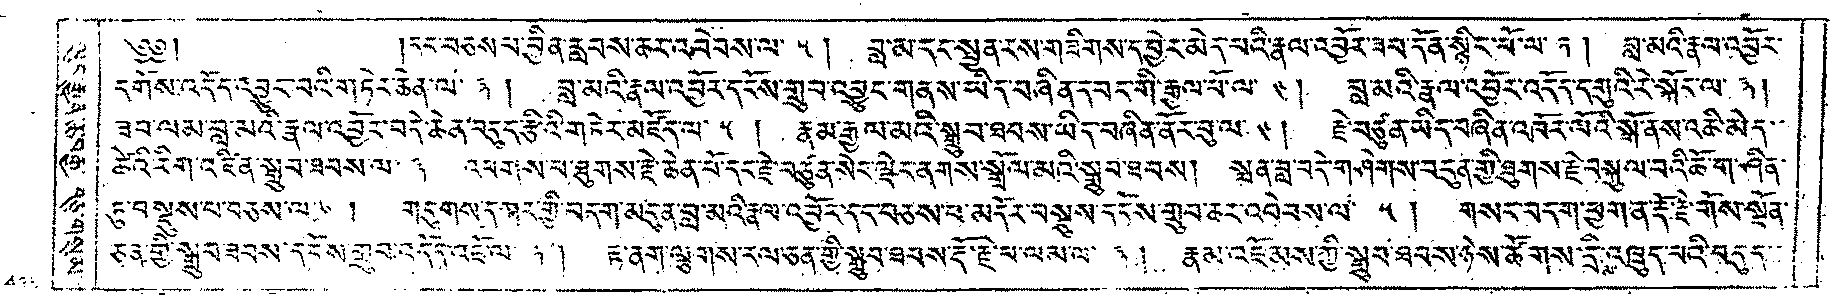༄༅། །དང་བཅས་པ་བྱིན་རླབས་ཆར་འབེབས་ལ ༥། བླ་མ་དང་སྤྱན་རས་གཟིགས་དབྱེར་མེད་པའི་རྣལ་འབྱོར་ཟབ་དོན་སྙིང་པོ་ལ ༢། བླ་མའི་རྣལ་འབྱོར་
དགོས་འདོད་འབྱུང་བའི་གཏེར་ཆེན་ལ ༣། བླ་མའི་རྣལ་འབྱོར་དངོས་གྲུབ་འབྱུང་གནས་ཡིད་བཞིན་དབང་གི་རྒྱལ་པོ་ལ ༤། བླ་མའི་རྣལ་འབྱོར་འདོད་དགུའི་རེ་སྐོང་ལ ༣།
ཟབ་ལམ་བླ་མའི་རྣལ་འབྱོར་བདེ་ཆེན་བདུད་རྩིའི་གཏེར་མཛོད་ལ ༥། རྣམ་རྒྱལ་མའི་སྒྲུབ་ཐབས་ཡིད་བཞིན་ནོར་བུ་ལ ༤། རྗེ་བཙུན་ཡིད་བཞིན་འཁོར་ལོའི་སྒོ་ནས་འཆི་མེད་
ཚེའི་རིག་འཛིན་སྒྲུབ་ཐབས་ལ ༣་འཕགས་པ་ཐུགས་རྗེ་ཆེན་པོ་དང་རྗེ་བཙུན་སེང་ལྡེང་ནགས་སྒྲོལ་མའི་སྒྲུབ་ཐབས། སྨན་བླ་བདེ་གཤེགས་བདུན་གྱི་ཐུགས་རྗེ་བསྐུལ་བའི་ཆོ་ག་ཤིན་
ཏུ་བསྡུས་པ་བཅས་ལ ༦། གདུགས་དཀར་གྱི་བདག་མདུན་བླ་མའི་རྣལ་འབྱོར་དང་བཅས་པ་མདོར་བསྡུས་དངོས་གྲུབ་ཆར་འབེབས་ལ ༥། གསང་བདག་ཕྱག་ན་རྡོ་རྗེ་གོས་སྔོན་
ཅན་གྱི་སྒྲུབ་ཐབས་དངོས་གྲུབ་འདོད་འཇོ་ལ ༢། རྟ་ནག་ལྕགས་རལ་ཅན་གྱི་སྒྲུབ་ཐབས་རྡོ་རྗེ་ཕ་ལམ་ལ ༣། རྣམ་འཇོམས་ཀྱི་སྒྲུབ་ཐབས་ཉེས་ཚོགས་དྲི་མ་འཁྲུད་པའི་བདུད་